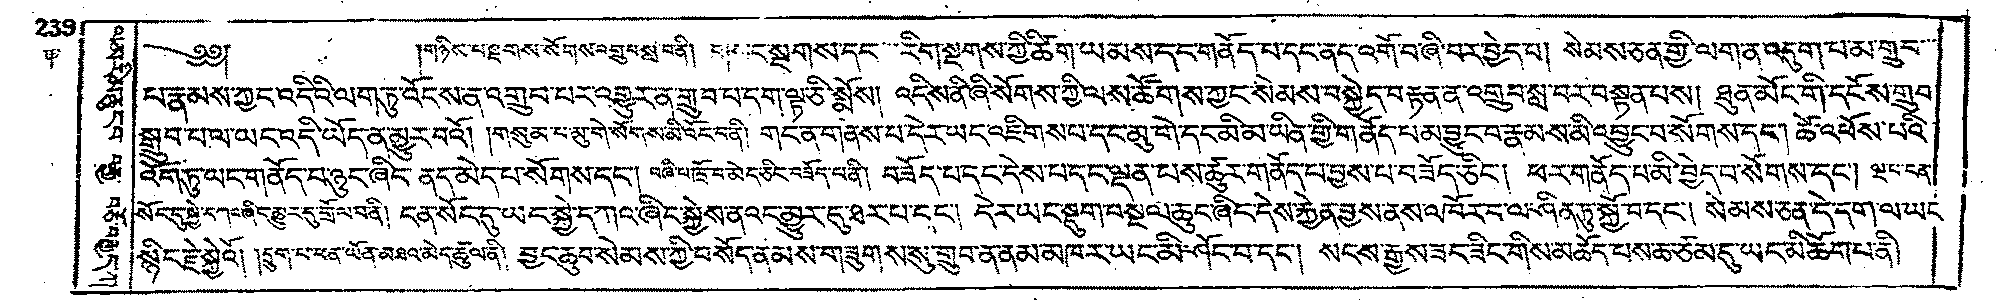༄༅། །གཉིས་པ་སྔགས་སོགས་འགྲུབ་སླ་བ་ནི།  གསང་སྔགས་དངྲིག་སྔགས་ཀྱི་ཚིག་ཡམས་དང་གནོད་པ་དང་ནད་འགོ་བ་ཞི་བར་བྱེད་པ། སེམས་ཅན་གྱི་ལག་ན་འདུག་པ་མ་གྲུབ་
པ་རྣམས་ཀྱང་འདིའི་ལག་ཏུ་འོངས་ན་འགྲུབ་པར་འགྱུར་ན་གྲུབ་པ་དག་ལྟ་ཅི་སྨོས། འདིས་ནི་ཞི་སོགས་ཀྱི་ལས་ཚོགས་ཀྱང་སེམས་བསྐྱེད་བརྟན་ན་འགྲུབ་སླ་བར་བསྟན་པས། ཐུན་མོང་གི་དངོས་གྲུབ་
སྒྲུབ་པ་ལ་ཡང་འདི་ཡོད་ན་མྱུར་བའོ། །གསུམ་པ་མུ་གེ་སོགས་མི་འོང་བ་ནི།  གང་ན་གནས་པ་དེར་ཡང་འཇིགས་པ་དང་མུ་གེ་དང་མི་མ་ཡིན་གྱི་གནོད་པ་མ་བྱུང་བ་རྣམས་མི་འབྱུང་བ་སོགས་དང་། ཚེ་འཕོས་པའི་
འོག་ཏུ་ཡང་གནོད་པ་ཉུང་ཞིང་ནད་མེད་པ་སོགས་དང་། བཞི་པ་ཁྲོ་བ་མེད་ཅིང་བཟོད་པ་ནི།  བཟོད་པ་དང་དེས་པ་དང་ལྡན་པས་ཚུར་གནོད་པ་བྱས་པ་བཟོད་ཅིང་། ཕར་གནོད་པ་མི་བྱེད་པ་སོགས་དང་། ལྔ་པ་ངན་
སོང་དུ་སྐྱེ་དཀའ་ཞིང་མྱུར་དུ་གྲོལ་བ་ནི། ངན་སོང་དུ་ཡང་སྐྱེ་དཀའ་ཞིང་སྐྱེས་ནའང་མྱུར་དུ་ཐར་པ་དང་། དེར་ཡང་སྡུག་བསྔལ་ཆུང་ཞིང་དེས་རྐྱེན་བྱས་ནས་འཁོར་བ་ལ་ཤིན་ཏུ་སྐྱོ་བ་དང་། སེམས་ཅན་དེ་དག་ལ་ཡང་
སྙིང་རྗེ་སྐྱེའོ། །དྲུག་པ་ཕན་ཡོན་མཐའ་མེད་ཚུལ་ནི།  བྱང་ཆུབ་སེམས་ཀྱི་བསོད་ནམས་གཟུགས་སུ་གྲུབ་ན་ནམ་མཁར་ཡང་མི་ཤོང་བ་དང་། སངས་རྒྱས་ཟང་ཟིང་གིས་མཆོད་པས་ཆ་ཙམ་དུ་ཡང་མི་ཆོག་པ་ནི།